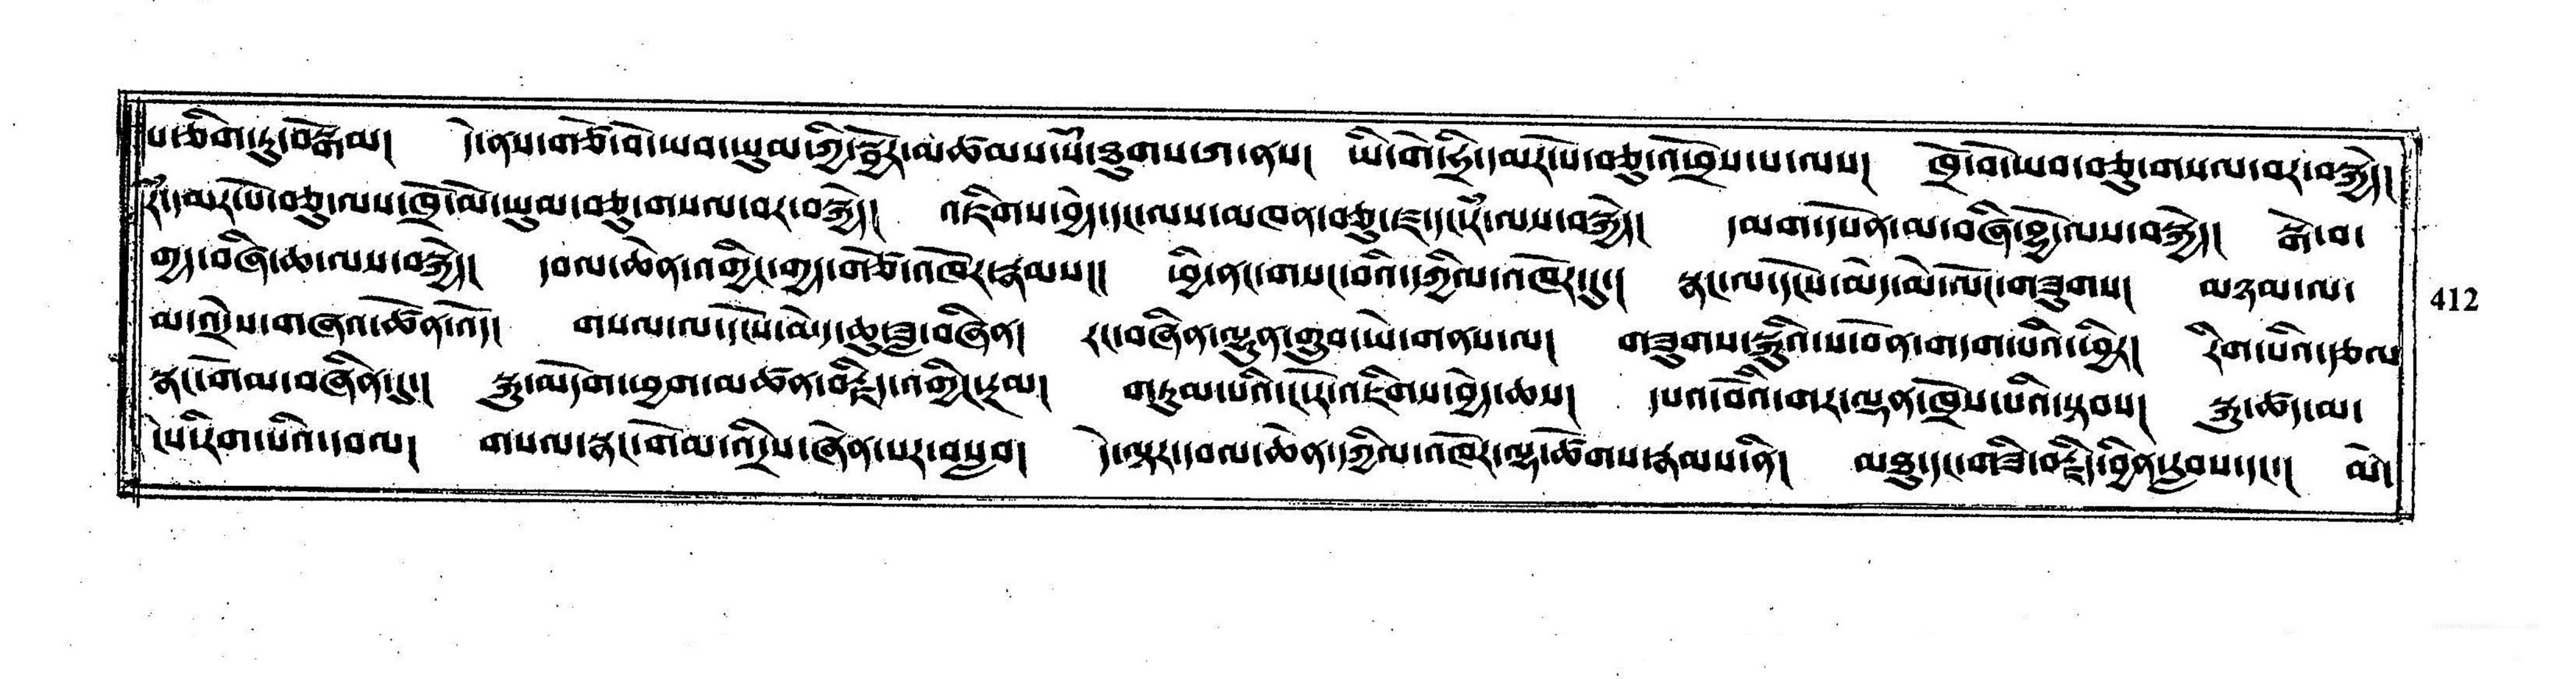པ་ཅིག་ཏུ་བསྒོམ། དེ་ནས་{422}གཙོ་བོ་ཡབ་ཡུམ་གྱི་སྦྱོར་མཚམས་སམ་ཐུགས་ཀ་ནས། ཡི་གེ་ཧྲི་དམར་པོ་བཅུ་འཕྲོས་པ་ལས། ཁྲོ་བོ་ཡབ་བཅུ་གསལ་བར་བསྐྱེད། 
རཾ་དམར་པོ་བཅུ་ལས་ཁྲོ་མོ་ཡུམ་བཅུ་གསལ་བར་བསྐྱེད། འཇིགས་བྱེད་དང་ལས་མཁན་བཅུ་ཛ་དང་རཾ་ལས་བསྐྱེད། དམག་དཔོན་མ་བཞི་བྷྱོ་ལས་བསྐྱེད། སྒོ་བ་
གྱད་བཞི་ཆ་ལས་བསྐྱེད། དབལ་ཆེན་འགྱིང་གྱད་གཙོ་འཁོར་རྣམས།། ཕྱི་ནང་གསང་བའི་དཀྱིལ་འཁོར་དུ། སྣང་ལ་དངོས་མེད་མེ་ལོང་གཟུགས། མཉམ་ལ་
མ་འདྲེས་གཞའ་ཚོན་འོད། གསལ་ལ་དངོས་མེད་ཆུ་ཟླ་བཞིན། རང་བཞིན་ལྷུན་གྲུབ་ཡེ་གནས་ལ། གཟུགས་སྐུའི་ས་བོན་གདག་པའི་ཕྱིར། རིག་པའི་རྩལ་
སྣང་གོམས་བཞིན་དུ། སྐུ་མདོག་ཕྱག་མཚན་བརྗིད་འགྱིང་རྔམ། གཏུམ་པའི་ང་རོ་འཇིགས་བྱེད་ཆས། དཔའ་བོའི་གར་ལྡན་ཁྲོས་པའི་སྟབས། སྐུ་ཚད་མ་
ངེས་རིག་པའི་དབལ། གསལ་སྣང་གོམ་འདྲིས་ཞེན་པར་བསླབ། དེ་ལྟར་དབལ་ཆེན་དཀྱིལ་འཁོར་ལྷ་ཚོགས་རྣམས་ནི། མཐུ་དང་གཟི་བྱིན་བྱིན་རླབས་དང་། མེ་